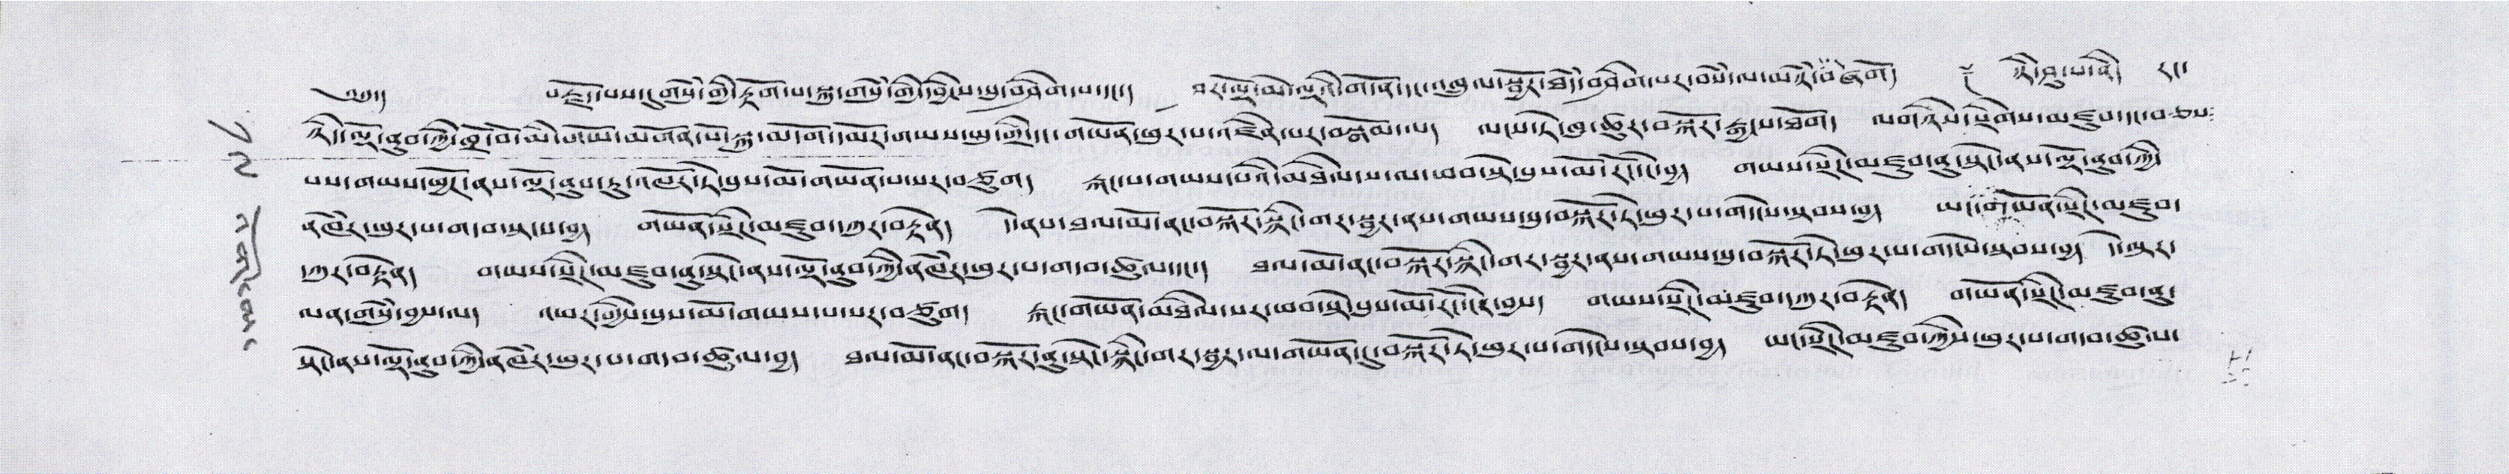དུག་གསུམ་གྱི་རྟོག་པ་སྐུ་གསུམ་དབྱིངས་སུ་བཤིག་པ་དང་། ཤར་ལྷོ་མེ་ལྷའི་གདོན་དང་འཁྲུལ་སྦྱོར་ཐམས་ཅད་བཤིག་པར་བསམ་ལ་མཉམ་པར་བཞག་གོ། ༧ ཉི་ཤུ་པ་ནི། རང་
ཉིད་ལྷོ་ནུབ་ཀྱི་ཁྲོ་བོ་མི་གཡོ་མགོན་པོ་སྐུ་མདོག་དམར་པོ་གཡས་སྤུ་གྲི་དང་གཡོན་ཕུར་པ་འཛིན་པར་བསྒོམ་ལ། ལངས་ཏེ་ཁུ་ཚུར་བསྐོར་རྒྱངས་ཐོག ལག་གཉིས་སྡིགས་མཛུབ་དང་བཅས་
པས། གཡས་ཕྱོགས་ནས་ལྷོ་ནུབ་ཏུ་འཁོར་ཏེ་པུས་མོ་གཡོན་པ་སར་བཙུགས། རྐང་པ་གཡས་པའི་མཐིལ་ས་ལ་ཕབ་སྟེ་པུས་མོ་རོང་ངེ་བྱ། གཡས་སྡིག་མཛུབ་ནུ་སྟེང་ནས་ལྷོ་ནུབ་ཀྱི་
ནམ་མཁར་ཕུར་པ་གདབ་སྟངས་བྱ། གཡོན་སྡིགས་མཛུབ་དཀུར་བརྟེན། དེ་ནས་ཐལ་མོ་ནང་བསྐོར་སྙིང་གར་སྦྱར་ནས་གཡས་སུ་བསྐོར་ཏེ་ཕུར་པ་གདེང་སྟབས་བྱ། ཡང་གཡོན་སྡིག་མཛུབ་
དཀུར་བརྟེན། གཡས་སྡིག་མཛུབ་ནུ་སྟེང་ནས་ལྷོ་ནུབ་ཀྱི་འཁོར་ལོ་ཕུར་པ་གདབ་་ཚུལ་དང་། ཐལ་མོ་ནང་བསྐོར་སྙིང་གར་སྦྱར་ནས་གཡས་སུ་བསྐོར་ཏེ་ཕུར་པ་གདེང་སྟབས་བྱ། དེ་ལྟར་
ལན་གསུམ་བྱས་ལ། འཕར་གྱིས་པུས་མོ་གཡས་པ་སར་བཙུགས། རྐང་གཡོན་མཐིལ་སར་ཕབ་སྟེ་པུས་མོ་རོང་ངེར་བྱས། གཡས་སྡིགས་མཛུབ་དཀུར་བརྟེན། གཡོན་སྡིགས་མཛུབ་ནུ་
སྟེང་ནས་ལྷོ་ནུབ་ཀྱི་ནམ་མཁར་ཕུར་པ་གདབ་ཚུལ་བྱ། ཐལ་མོ་ནང་བསྐོར་ནུ་སྟེང་སྙིང་གར་སྦྱར་ལ་གཡོན་དུ་བསྐོར་ཏེ་ཕུར་པ་གདེང་སྟབས་བྱ། ཡང་གདེང་མཛུབ་ཀྱིས་ཕུར་པ་གདབ་ཚུལ་